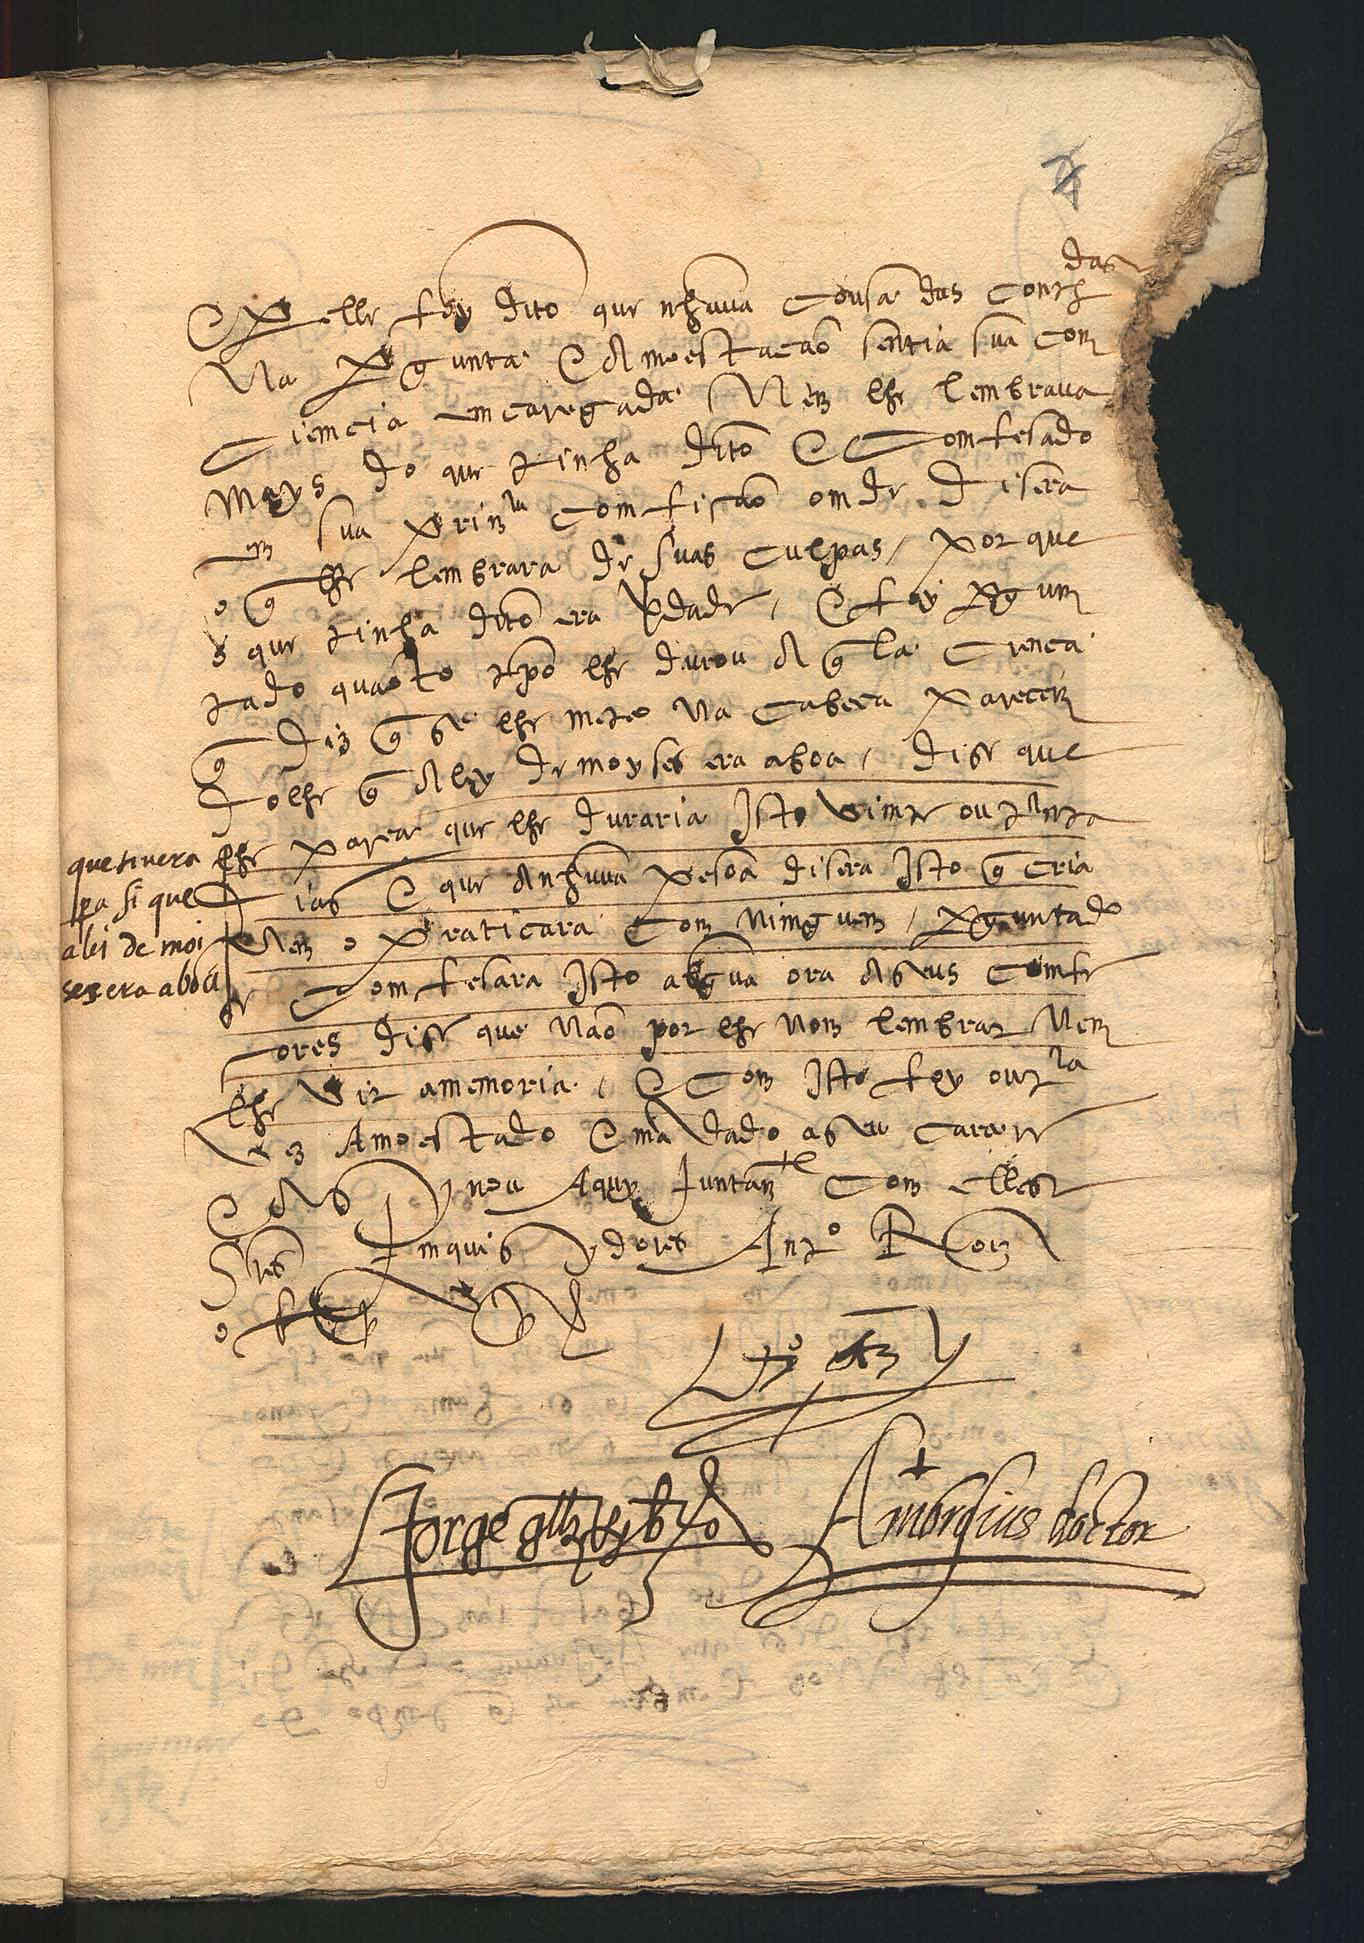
e ꝑ elle foy d̄ito que nhūua cousa das conthdas
na ꝑgunta e Amoestaçaõ sentia sua com
Ciemcia emcaregada nem lhe lembraua
mays do que tinha dīto e Comfesado
em sua primra comfisão omde disera
o q̄ lhe lembraua de suas culpas porque
o que tinha dīto era ꝟdade, e foy ꝑgum
tado quāto tp̄o lhe durou Aq̄la crença
q̄ diz q̄ se lhe meteo na cabeça parecem
dolhe q̄ A ley de moyses era a boa / dise que
que tiuera
lhe parece que lhe duraria Jsto vimte ou trinta
ꝑa si que
dias e que A nhūua pesoa disera Jsto q̄ cria
a lei de moi
Nem o praticara com nimguem / ꝑguntado
ses era a boa
se comfesara Jsto alḡua ora A seus comfe
sores dise que não por lhe nom lembrar nem
lhe vir a memoria / e com Jsto foy outra
vez Amoestado e mādado a seu carcere
e Asynou Aquy Juntamte com elles
Sr̄es Jmquisydores Anto Rōiz
o stp̄vy
Dio ḡlz
Jorge ḡllz Rybro
Ambrosius doctor
